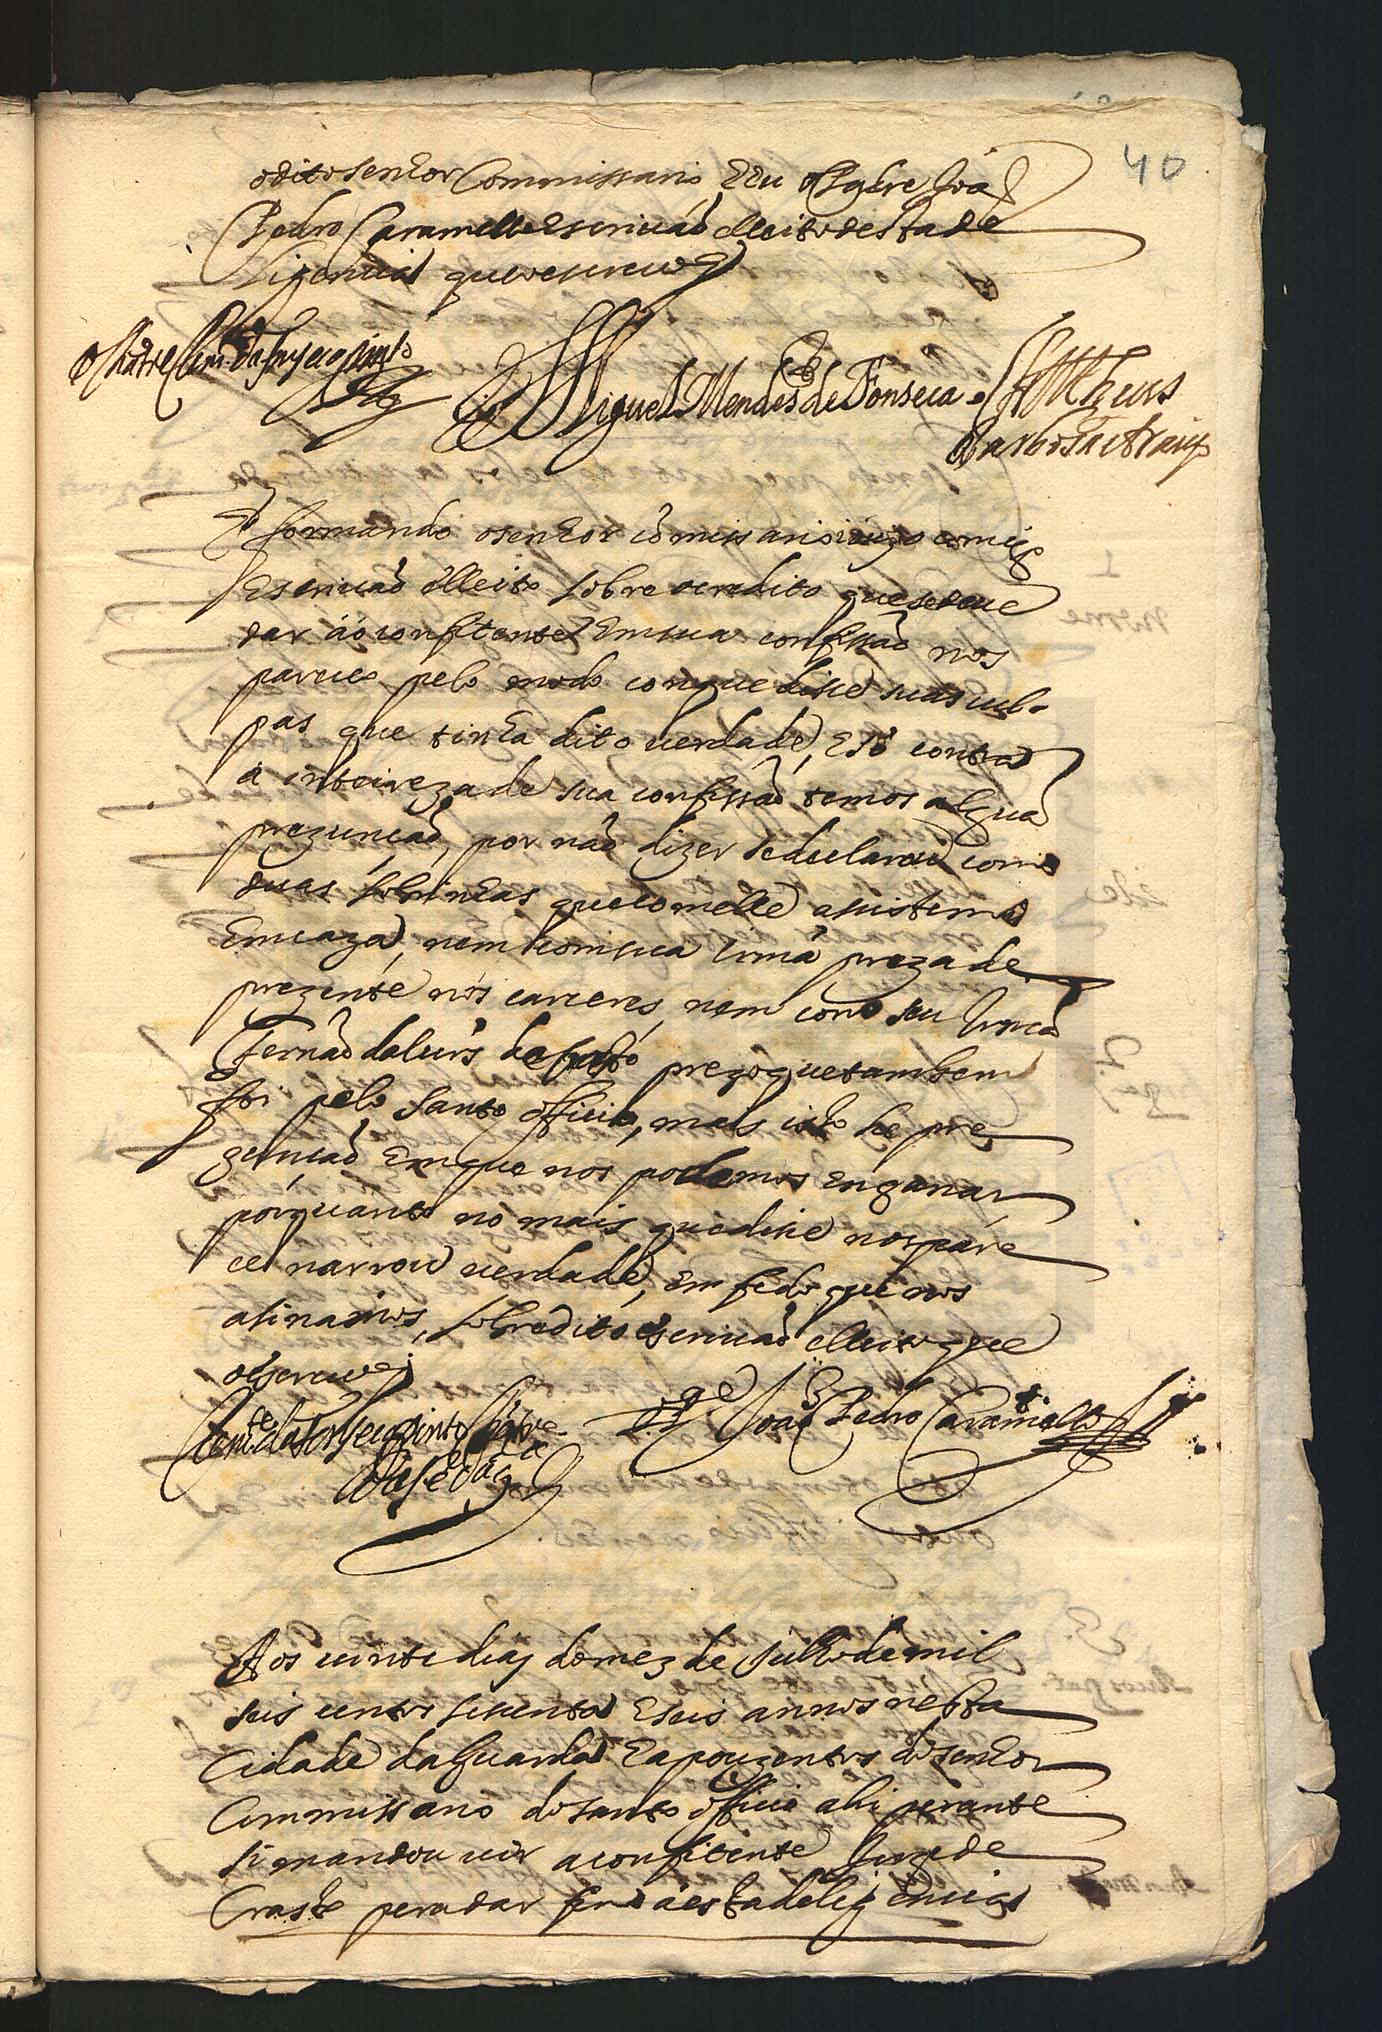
o dito senhor Commissario E Eu o Padre Joaõ
Pedro Caramello escriuaõ elleito desta de
ligencia que o escreuj
o Chātre Clem-te da Fonseca pinto
Miguel Mendes de Fonseca
Fr M̄theus
Barbosa Araujo
E formando o senhor cōmissario iuizo comigo
Escriuaõ elleito sobre o credito que se deue
dar ao confitente Em sua confissaõ nos
pareceo pelo modo com que disse suas cul
pas que tinha dito uerdade, E só contra
a inteireza de sua confissaõ temos alguā
prezunçaõ, por naõ dizer se declararā com
duas sobrinhas que com elle assistem
Em caza, nem com sua irmā preza de
prezente nos carceres, nem com seu Irmaõ
Fernaõ dalur̄s de Crasto prezo que tambem
foi pelo Santo officio, mais isto he pre
zunçaõ Em que nos podemos Enganar
porquanto no mais que disse nos pare
ce narrou uerdade, em fe do que nos
asinamos, sobredito escriuaõ elleito que
o escreuj
Clemte da Fonseca pinto Chātre
da sé da gda
O P.e Joaõ Pedro Caramello
Aos uinte dias do mez de Iulho de mil
seiscentos sessenta E seis annos nesta
Cidade da Guarda E apozentos do senhor
Commissario do santo officio ahi perante
si mandou uir a confitente Jorge de
Crasto pera dar fim a esta deligencia
